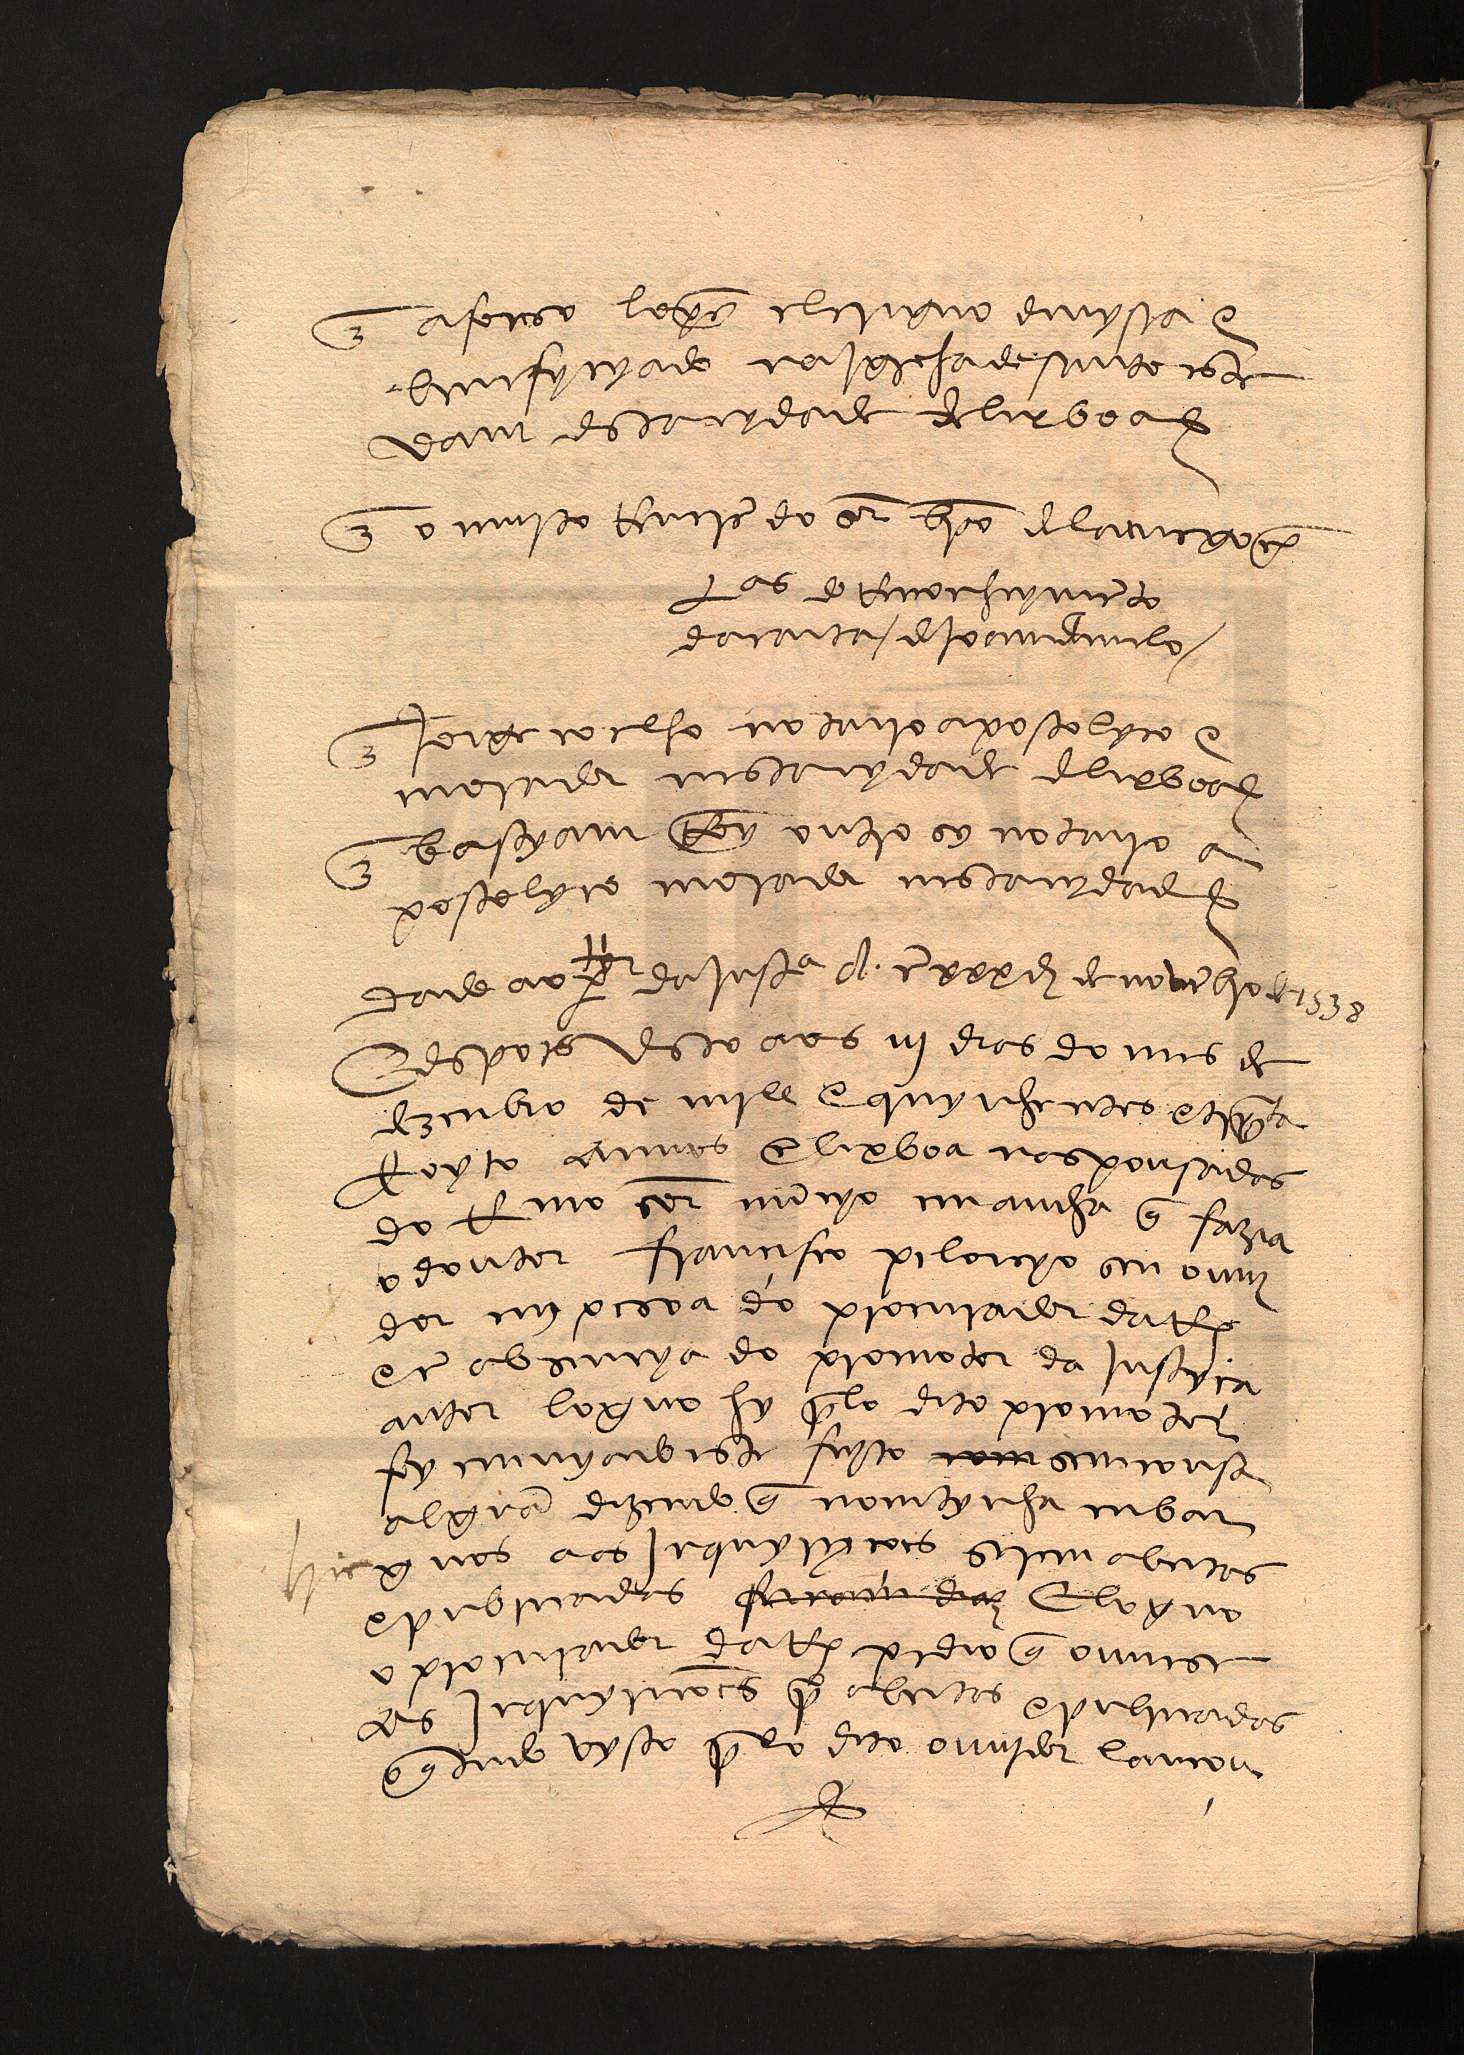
item afonso lopez cleriguo de myssa e
benefycyado na JgreJa de santo este
vam desta cydade de lixboa
item o mujto Reuerēdo s̄or bpō de lamego c̄ꝭ
tas do Reconhecymēto
da carta / de Joam de melo
item Jorge coelho notairo apostolyco e
morador nesta cydade de lixboa
item bastyam Rōiz outrosy notairo a
postolyco morador nesta cydade
dado ao ꝓtor da Justa A. ē xxx dj de novēbro de 1538
E despois desto aos iij dias do mes de
dezenbro de mjll e quynhentos e trȳta
E oyto annos ē lixboa nas pousadas
do Rmo s̄or nūcyo em audja q̄ fazia
o doutor francisco pelorcyo seu ouuj
dor em pesoa do procurador da Rꝭ
e ē absencya do promotor da Justiça
autor loguo hy p̄lo dito promotor
foy emuyado este feyto com sem cousa
alguā dizendo q̄ nom tynha enbar
guos aas Jnquyryções serem abertas
e pubricadas fernam diaz E loguo
o procurador da Rꝭ pedio q̄ ouuese
tas Jnquyrições p̄o abertas e pubricadas
o q̄ tudo vysto p̄lo dito ouujdor lançou
